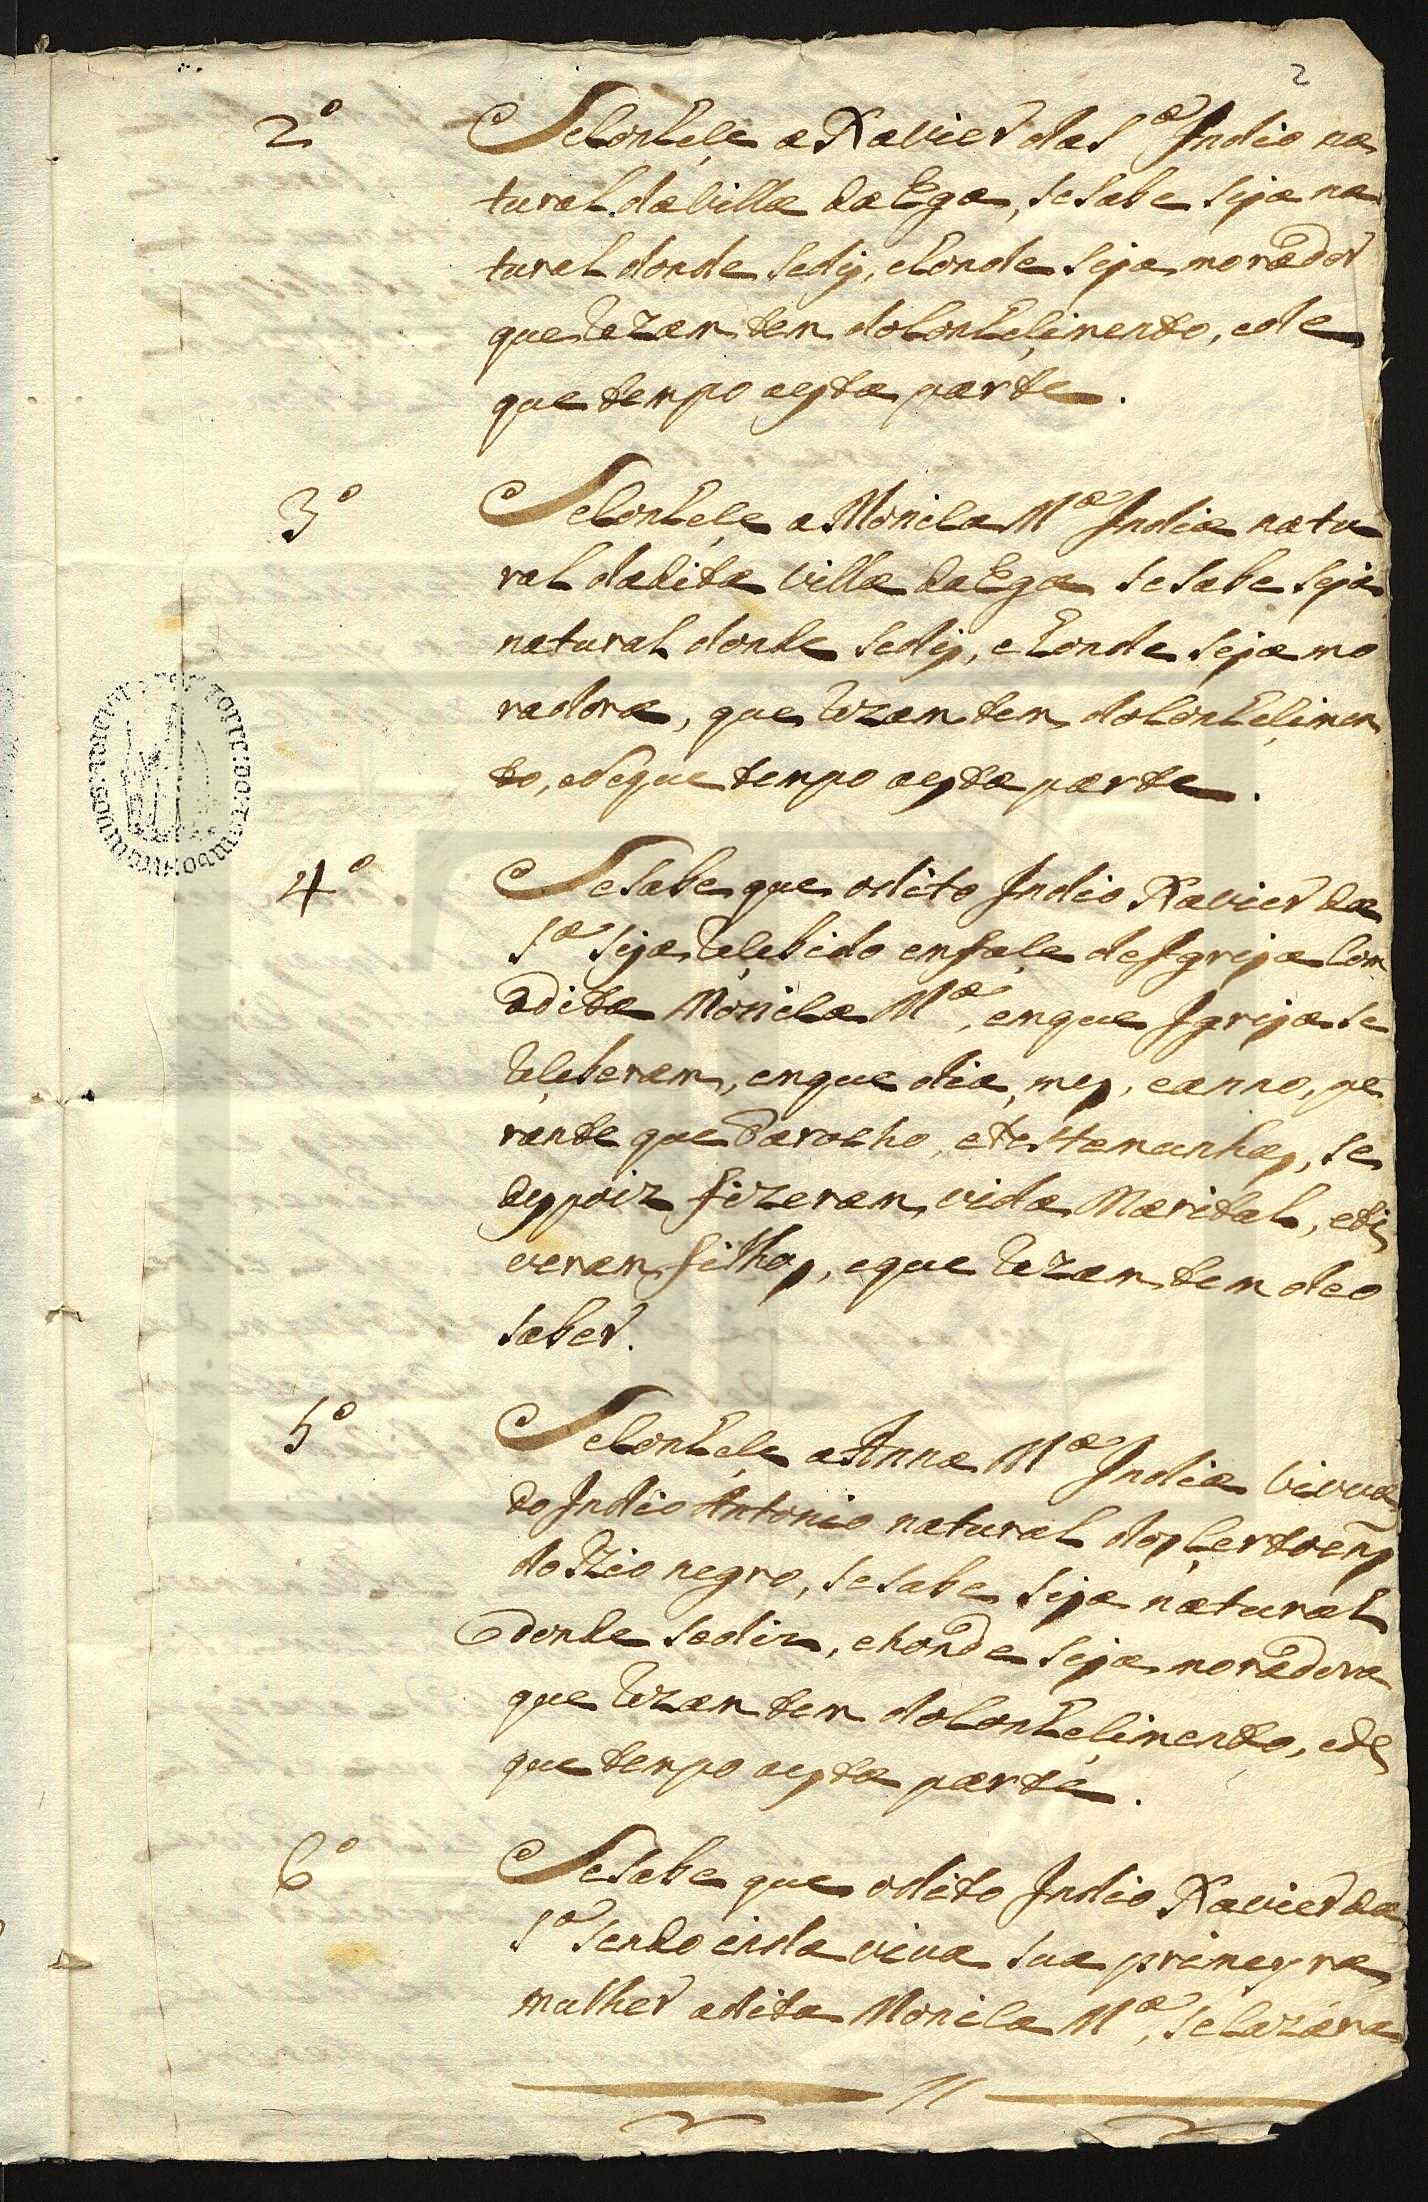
Se Conhece a Xauier da s.a Jndio na
2o
tural da villa da Ega, se sabe seja na
tural donde se dis, e honde seja morador
que Rezam tem do ConheCimento, e de
que tempo a esta parte.
Se Conhece a MoniCa M.a Jndia natu
3o
ral da dita villa da Ega se sabe seja
natural donde se dis, e honde seja mo
radora, que Rezam tem do ConheCimen
to, e de que tempo a esta parte.
Se sabe que o dito Jndio Xavier da
4o
s.a seja Recebido em face de Jgreja Com
a dita MoniCa M.a, em que Jgreja se
ReCeberam, em que dia, mes, e anno, pe
rante que Parocho, e testemunhas, se
despoiz fizeram vida Marital, e ti
veram filhos, e que Rezam tem de o
saber.
Se Conhece a Anna M.a Jndia viuua
5o
do Jndio Antonio natural dos Certoen̄s
do Rio negro, se sabe seja natural
donde se diz, e honde seja moradora
que Rezam tem do ConheCimento, e de
que tempo a esta parte.
Se sabe que o dito Jndio Xauier da
s.a sendo inda viua sua primeyra
mulher a dita MoniCa M.a, se Cazára
